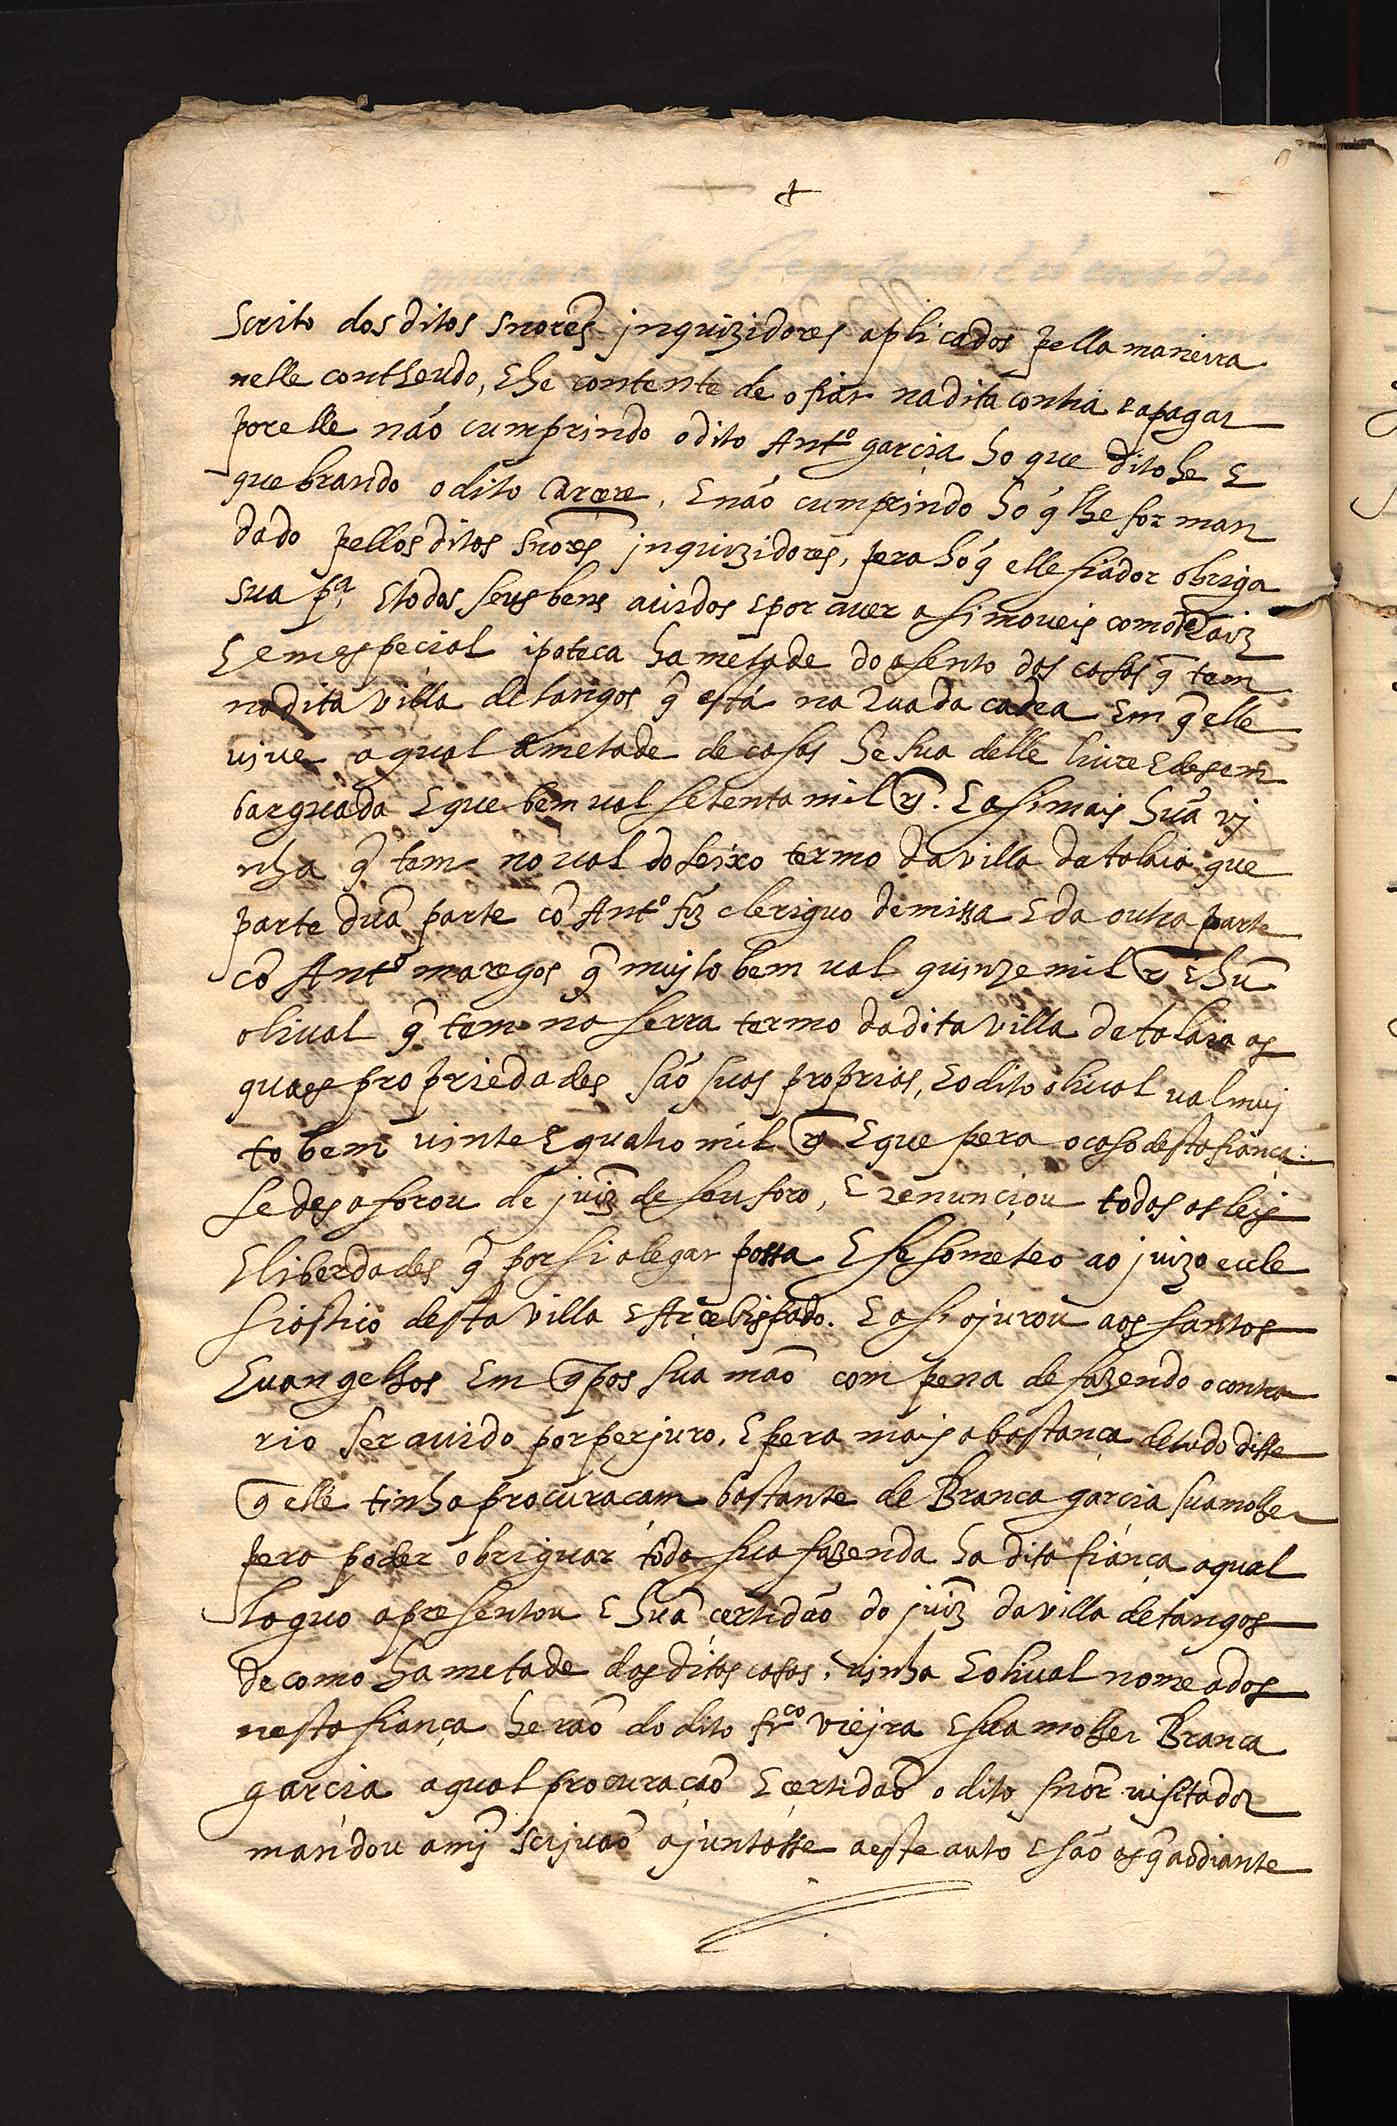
Scrito dos ditos snorēs jnquizidores aplicados pella maneira
nelle contheudo, E he contente de o fiar na dita contia e apagar
por elle não cumprindo o dito Anto garçia ho que dito he E
quebrando o dito carçere, E não cumprindo ho q̄ lhe for man
dado pellos ditos snōres jnquizidores, pera ho q̄ elle fiador obriga
sua pa. E todos seus bens auidos E por auer asi moueis como de Raiz
E em espeçial ipoteca ha metade do asento das casas q̄ tem
na dita villa de tanqos q̄ está na Rua da cadea Em q̄ elle
uiue a qual ametade de casas he sua delle liure E desen
barguada E que bem ual setenta mil r̄s. E asi mais huā vj
nha q̄ tem no ual do seixo termo da villa datalaia que
parte duā parte cō Anto frz̄ cleriguo de missa E da outra parte
cō Anto maregos q̄ mujto bem ual quinze mil r̄s E hū
oliual q̄ tem na Serra termo da dita villa de talaia as
quaes propriedades saõ suas proprias, E o dito oliual ual muj
to bem uinte E quatro mil r̄s E que pera o caso desta fiança
Se desaforou de juīz de Seu foro, E renunçiou todas as leis
E liberdades q̄ por si alegar possa E se someteo ao juizo eccle
Siastico desta villa E Arçebispado. E asi o jurou aos Santos
Euangelhos Em q̄ pos sua mão com pena de fazendo o contra
rio ser auido por perjuro, E pera mais abastança de tudo disse
q̄ elle tinha procuraçam bastante de Branca garçia sua mulher
pera poder obriguar toda sua fazenda ha dita fiança a qual
loguo apresentou E huā certidão do juīz da villa de tanqos
de como ha metade das ditas casas, uinha E oliual nomeados
nesta fiança herão do dito frco viejra E sua mulher Branca
garçia a qual procuração E çertidão o dito snor̄ visitador
mandou a mj̄ scrjuão ajuntasse a este auto E são as q̄ ao diante
